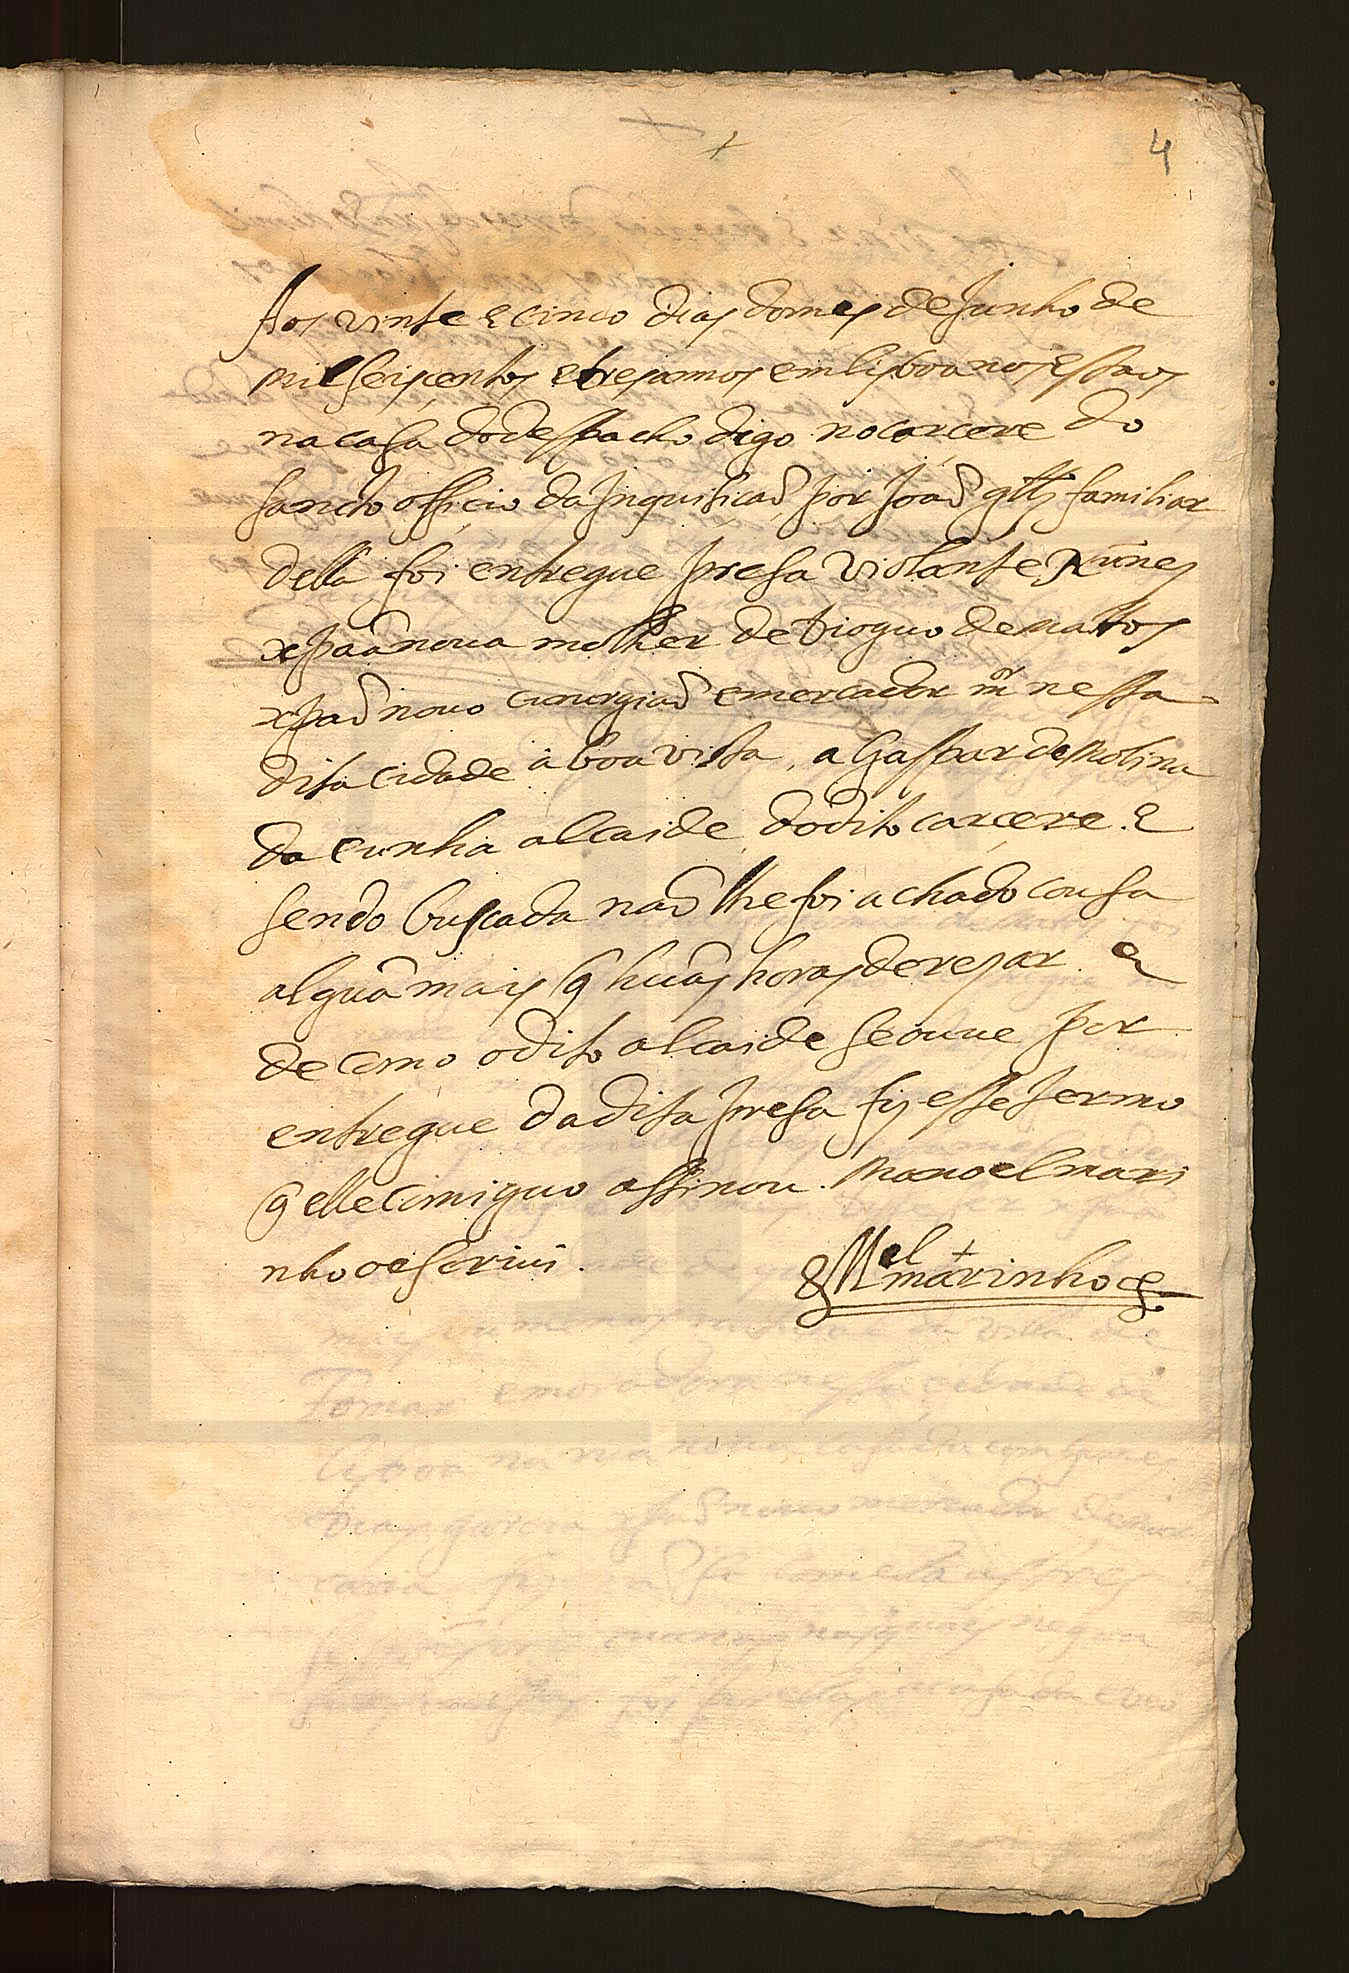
Aos vinte E cinco dias do mes de Junho de
mil E seisçentos E tres annos em lisboa nos Estaos
na casa do despacho digo no carçere do
Sancto offiçio da Jnquisiçaõ por Joaõ gl̄lz familiar
della foi entregue presa Violante Nun̄ez
xpaā noua molher de Dioguo de mattos
xpaõ nouo cirurgiaõ E mercador mor nesta
dita cidade â boa vista, a Gaspar de Molina
da cunha alcaide do dito carçere. E
sendo buscada naõ lhe foi achado cousa
alguā mais q̄ huās horas de rezar. E
de como o dito alcaide se ouue por
entregue da dita presa fiz elle termo
q̄ elle comiguo assinou. Manoel mari
nho o escriui.
